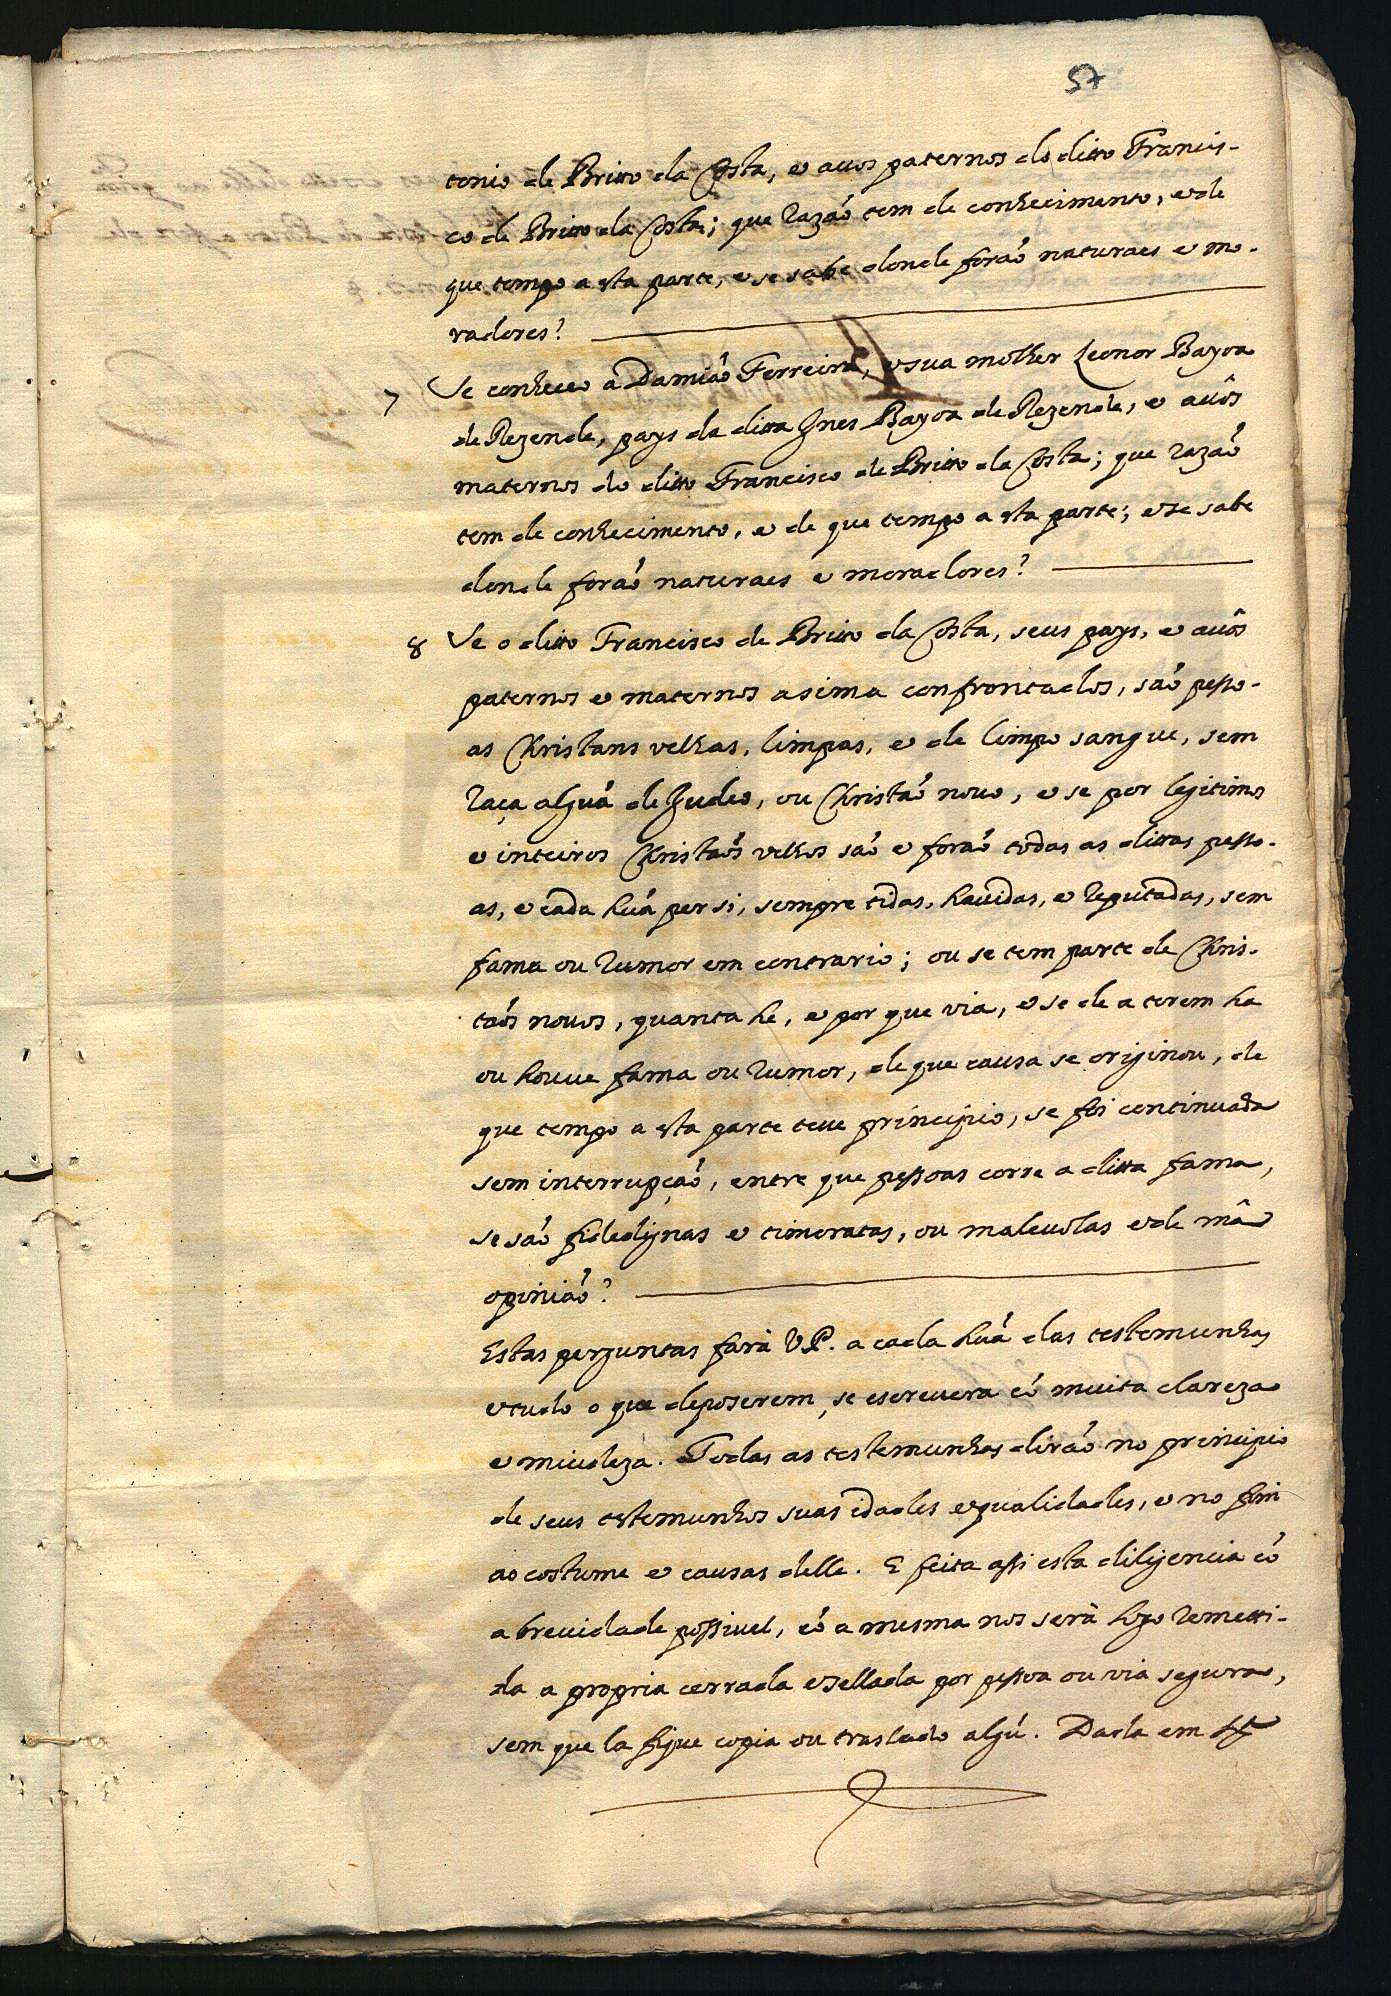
tonio de Britto da Costa, e auos paternos do ditto Francis
co de Britto da Costa; que Razaõ tem de conhecimento, e de
que tempo a esta parte, e se sabe donde foraõ naturaes e mo
radores?
7 Se conheceo a Damiaõ Ferreira, e sua molher Leonor Bayoa
de Rezende, pays da ditta Jnes Bayoa de Rezende, e auôs
maternos do ditto Francisco de Britto da Costa; que razaõ
tem de conhecimento, e de que tempo a esta parte; e se sabe
donde foraõ naturaes e moradores?
8 Se o ditto Francisco de Britto da Costa, seus pays, e auôs
paternos e maternos asima confrontados, saõ pesso
as Christans velhas, limpas, e de limpo sangue, sem
Raça alguā de Judeo, ou Christaõ nouo, e se por legitimos
e inteiros Christaõs velhos saõ e foraõ todas as dittas pesso
as, e cada huā per si sempre tidas, hauidas, e Reputadas, sem
fama, ou Rumor em contrario; ou se tem parte de Chris
taõs nouos, quanta he, e porque via, e se de a terem ha
ou houue fama ou Rumor, de que causa se originou, de
que tempo a esta parte teue principio, se foi continuada
sem interrupçaõ, entre que pessoas corre a ditta fama,
se saõ fidedignas e timoratas, ou maleuolas, e de mâ
opiniaõ?
Estas perguntas farà V. P. a cada huā das testemunhas
e tudo o que deposerem, se escreuera cō muita clareza
e miudeza. Todas as testemunhas diraõ no principio
de seus testemunhos suas idades e qualidades, e no fim
ao costume e causas delle. E feita assi esta diligencia cō
a breuidade possiuel, cō a mesma nos serà logo Remetti
da a propria cerrada e sellada por pessoa ou via segura,
sem que la fique copia ou traslado algū. Dada em Lxa
